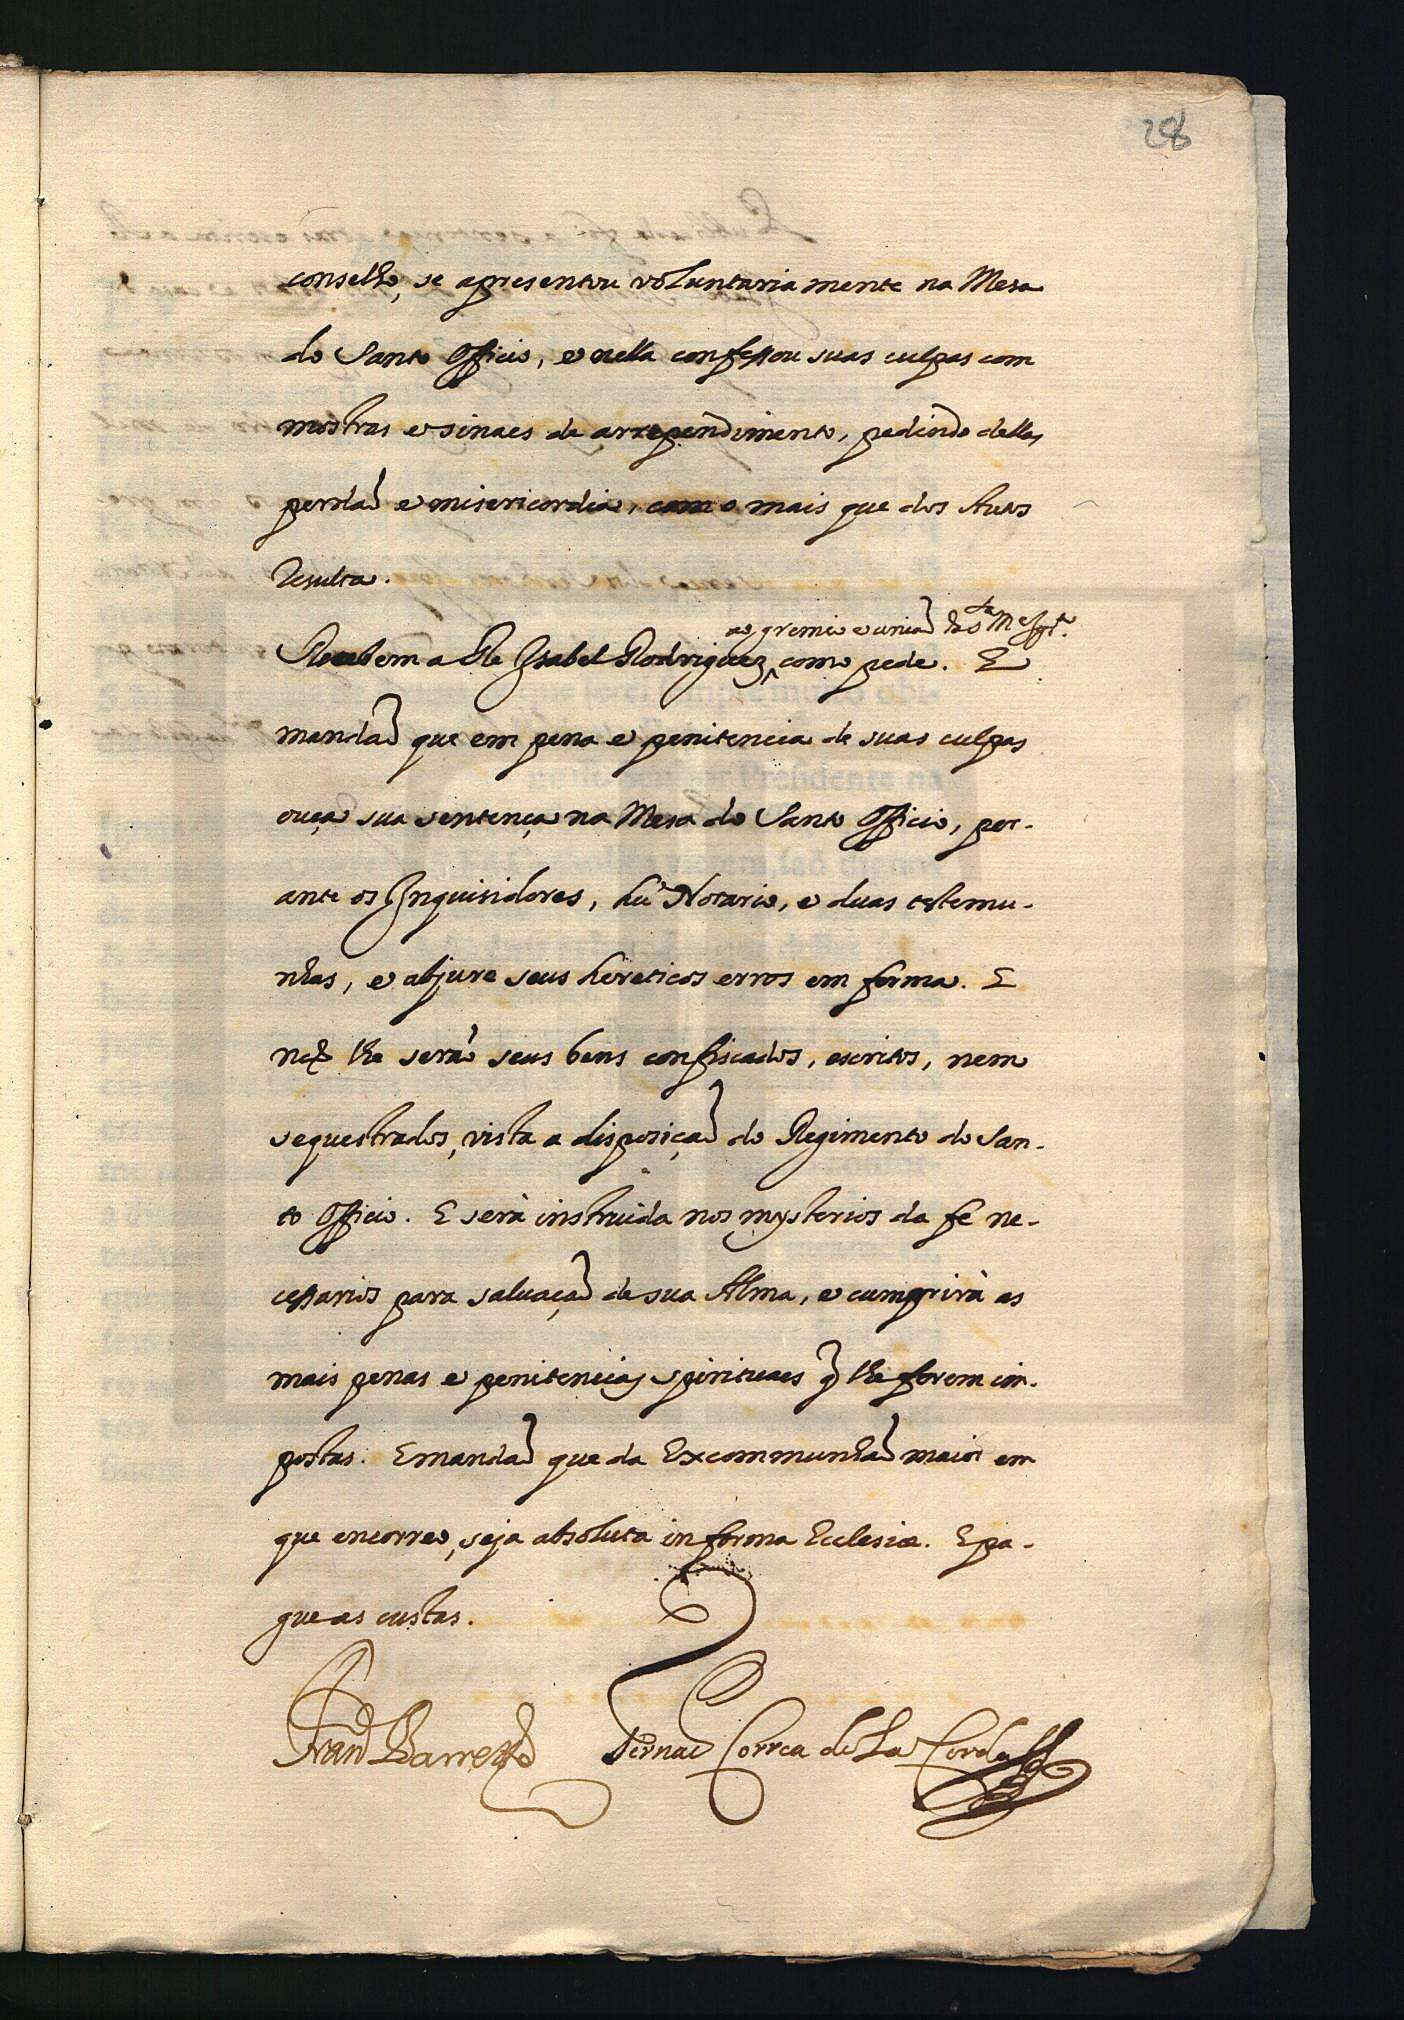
conselho, se apresentou voluntariamente na Mesa
do Santo Officio, e nella confessou suas culpas com
mostras e sinaes de arrependimento, pedindo dellas
perdaõ e misericordia, com o mais que dos Autos
Resulta.
Recebem a Re Jsabel Rodriguez
ao gremio e uniaõ da S.ta M.e Jgr.a
como pede. E
mandaõ que em pena e penitencia de suas culpas
ouça sua sentença na Mesa do Santo Officio, per
ante os Jnquisidores, hū Notario, e duas testemu
nhas, e abjure seus hereticos erros em forma. E
naõ lhe seraõ seus bens confiscados, escritos, nem
sequestrados, vista a disposiçaõ do Regimento do San
to Officio. E serà instruida nos mysterios da fe ne
cessarios para saluação de sua Alma, e cumprirà as
mais penas e penitencias spirituaes q̄ lhe forem im
postas. E mandaõ que da Excommunhaõ maior em
que encorreo, seja absoluta in forma Ecclesiæ. E pa
gue as custas.
Franco Barretto
Fernaõ Correa de LaCerda
